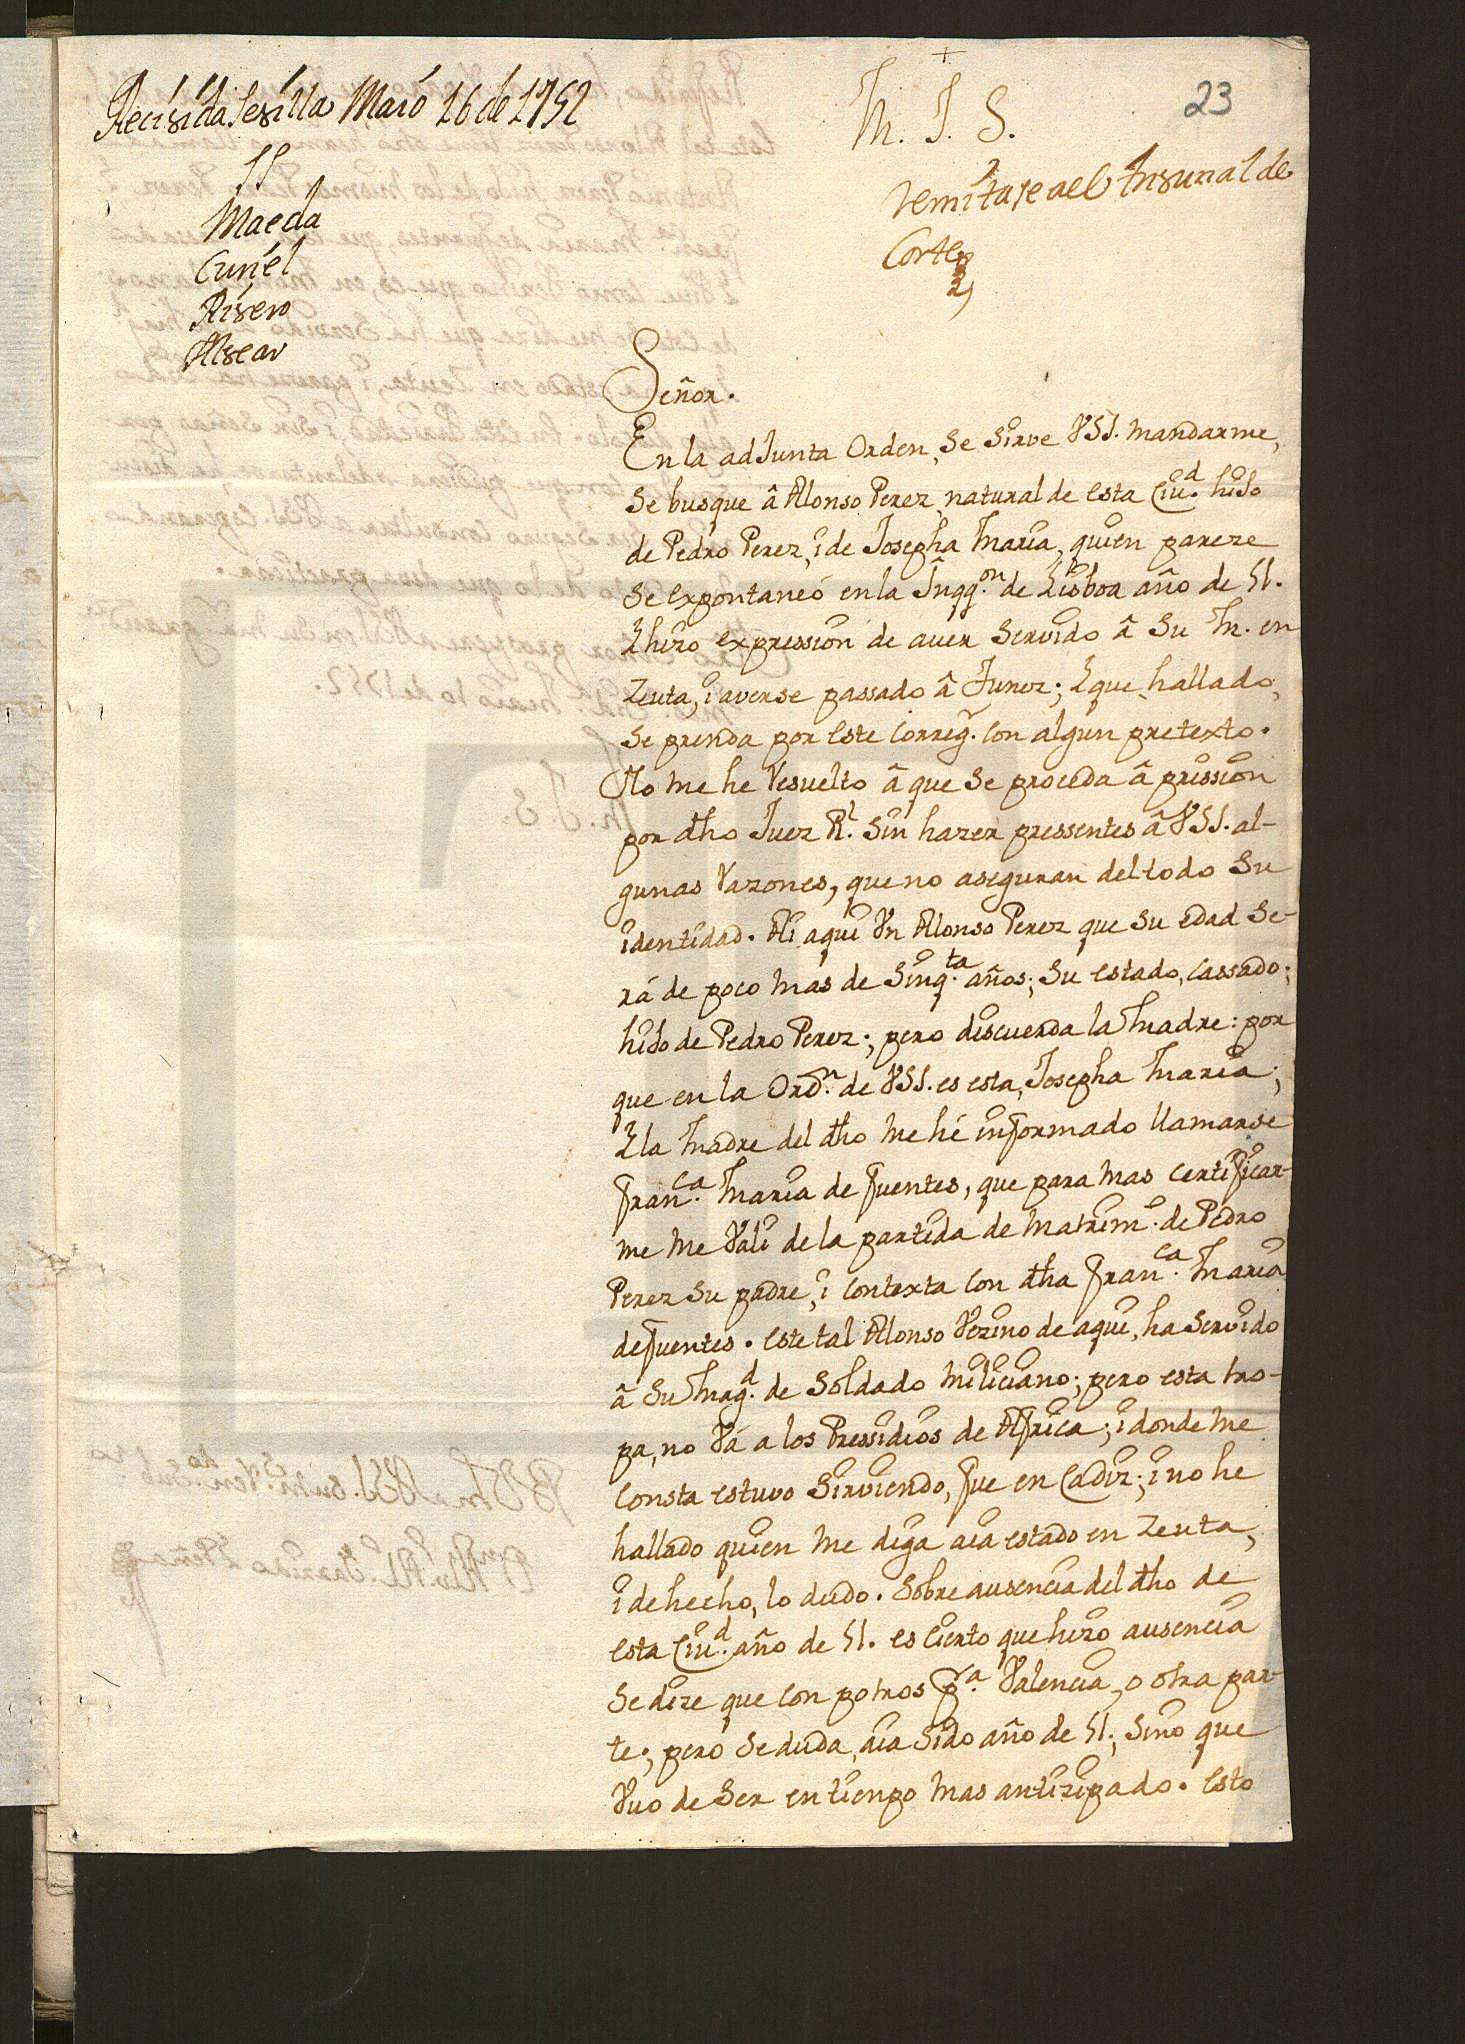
Recivida Sevilla Maio 16 de 1752
SS
Maeda
Curiel
Rivero
Alvear
M. I. S.
remitase a el trivunal de
Corte
Señor.
En la adjunta Orden, se Sirve VSI. mandarme,
se busque â Alonso Perez, natural de esta Ciu.d hijo
de Pedro Perez, i de Iosepha Maria, quien pareze
se expontaneó en la Inqq.on de Lisboa año de 51.
Y hizo expression de auer servido â su M. en
Zeuta, i averse passado â Tunez; Y que hallado,
se prenda por este correg.r con algun pretexto.
No me he Resuelto â que se proceda â prission
por d̄ho Iuez R.l Sin hazer pressentes à VSI. al
gunas Razones, que no asiguran del todo Su
identidade. Ai aqui Vn Alonso Perez que su edad Se
rá de poco mas de Sinq.ta años; Su estado, cassado;
hijo de Pedro Perez; pero discuerda la Madre: por
que en la Ord.n de VSI. es esta, Iosepha Maria
Y la Madre del d̄ho me hé informado llamarse
fran.ca Maria de fuentes, que para mas certificar
me me Vali de la partida de matrim.o de Pedro
Perez su padre, i contexta con d̄ha fran.ca Maria
de fuentes. Este tal Alonso Vezino de aqui, ha Servido
â Su Mag.d de Soldado miliciano; pero esta tro
pa, no Vá a los Pressidios de Africa; i donde me
consta estuvo Sirviendo, fue en Cadiz; i no he
hallado quien me diga aia estado en Zeuta,
i de hecho, lo dudo. Sobre ausencia del d̄ho de
esta Ciu.d año de 51. es cierto que hizo ausencia
Se dize que con potros p.ra Valencia, o otra par
te, pero se duda, aia sido año de 51; Sino que
Vuo de Ser en tienpo mas antizipado. Esto
